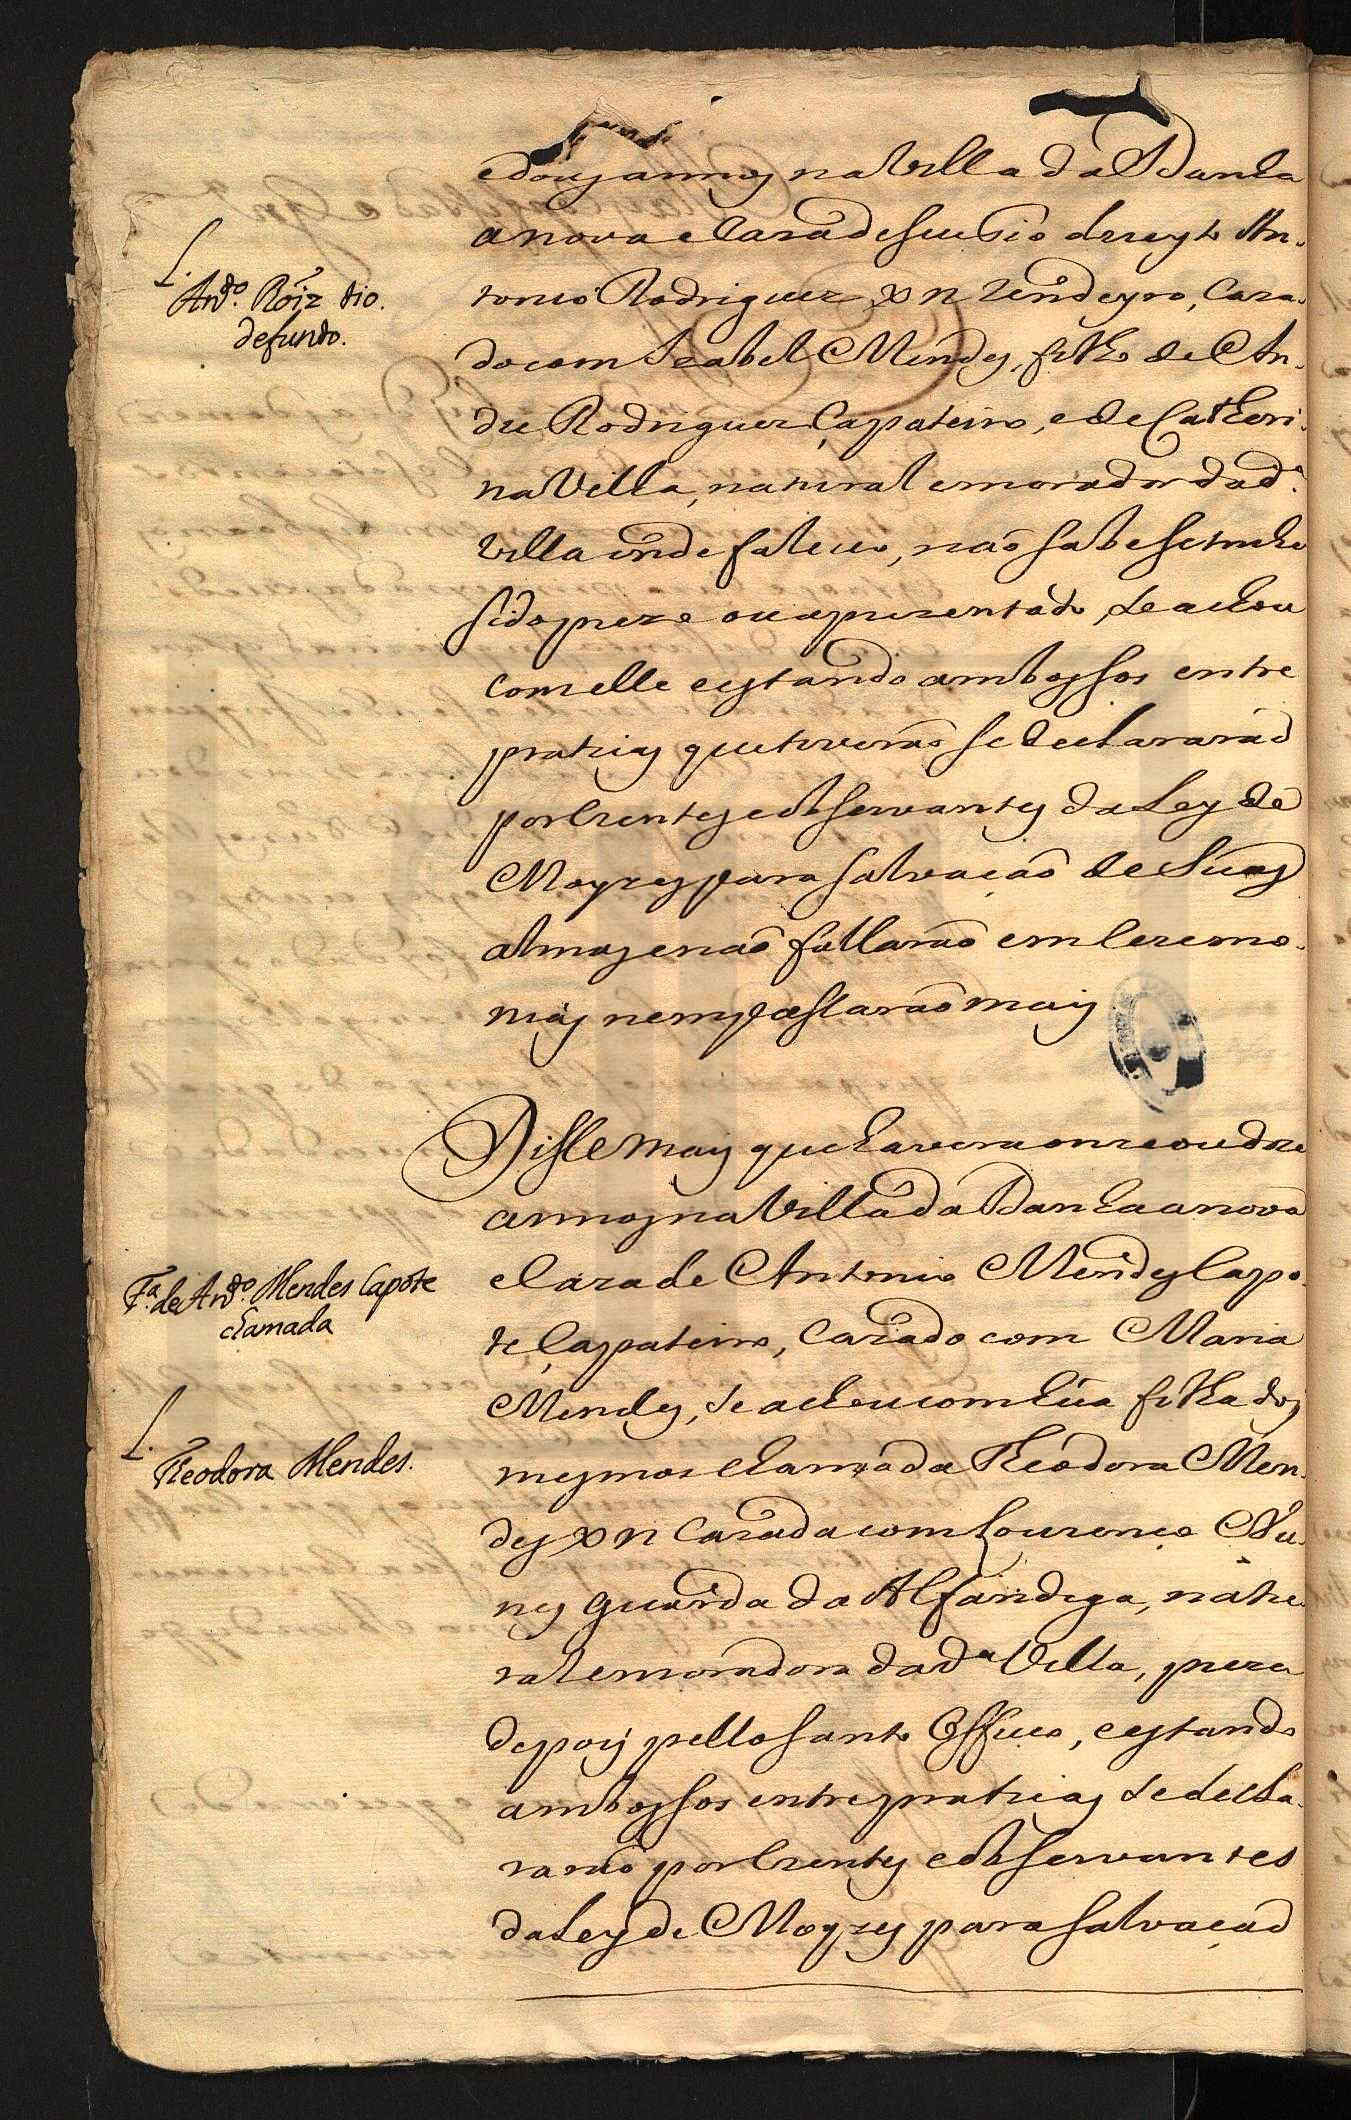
L.
An.to Rōiz tio
defunto.
F.a de An.to Mendes Capote
chamada
L.
Theodora Mendes.
e dous annos na Villa da Idanha
a nova e caza de seu Tio direyto An
tonio Rodriguez xn Rendeyro, Caza
do com Izabel Mendes, filho de An
dre Rodriguez Çapateiro, e de Catheri
na Velha, natural e morador da d.a
villa onde faleceo, naõ sabe se tinha
sido prezo ou aprezentado, se achou
com elle e estando ambos sos entre
praticas que tiverão se declararaõ
por Crentes e observantes da Ley de
Moyzes para salvaçaõ de Suas
almas e naõ fallarão em Ceremo
nias nem passarão mais
Disse mais que havera onze ou doze
annos na Villa da Idanha a nova
e Caza de Antonio Mendes Capo
te Çapateiro, Cazado com Maria
Mendes, se achou com hūa filha dos
mesmos chamada Theodora Men
des xn cazada com Lourenço Nu
nes guarda da Alfandega, natu
ral e moradora da da Villa, preza
depois pello santo Offiçio, e estando
ambos sos entre praticas se decla
raraõ por Crentes e observantes
da Ley de Moyzes para salvaçaõ
